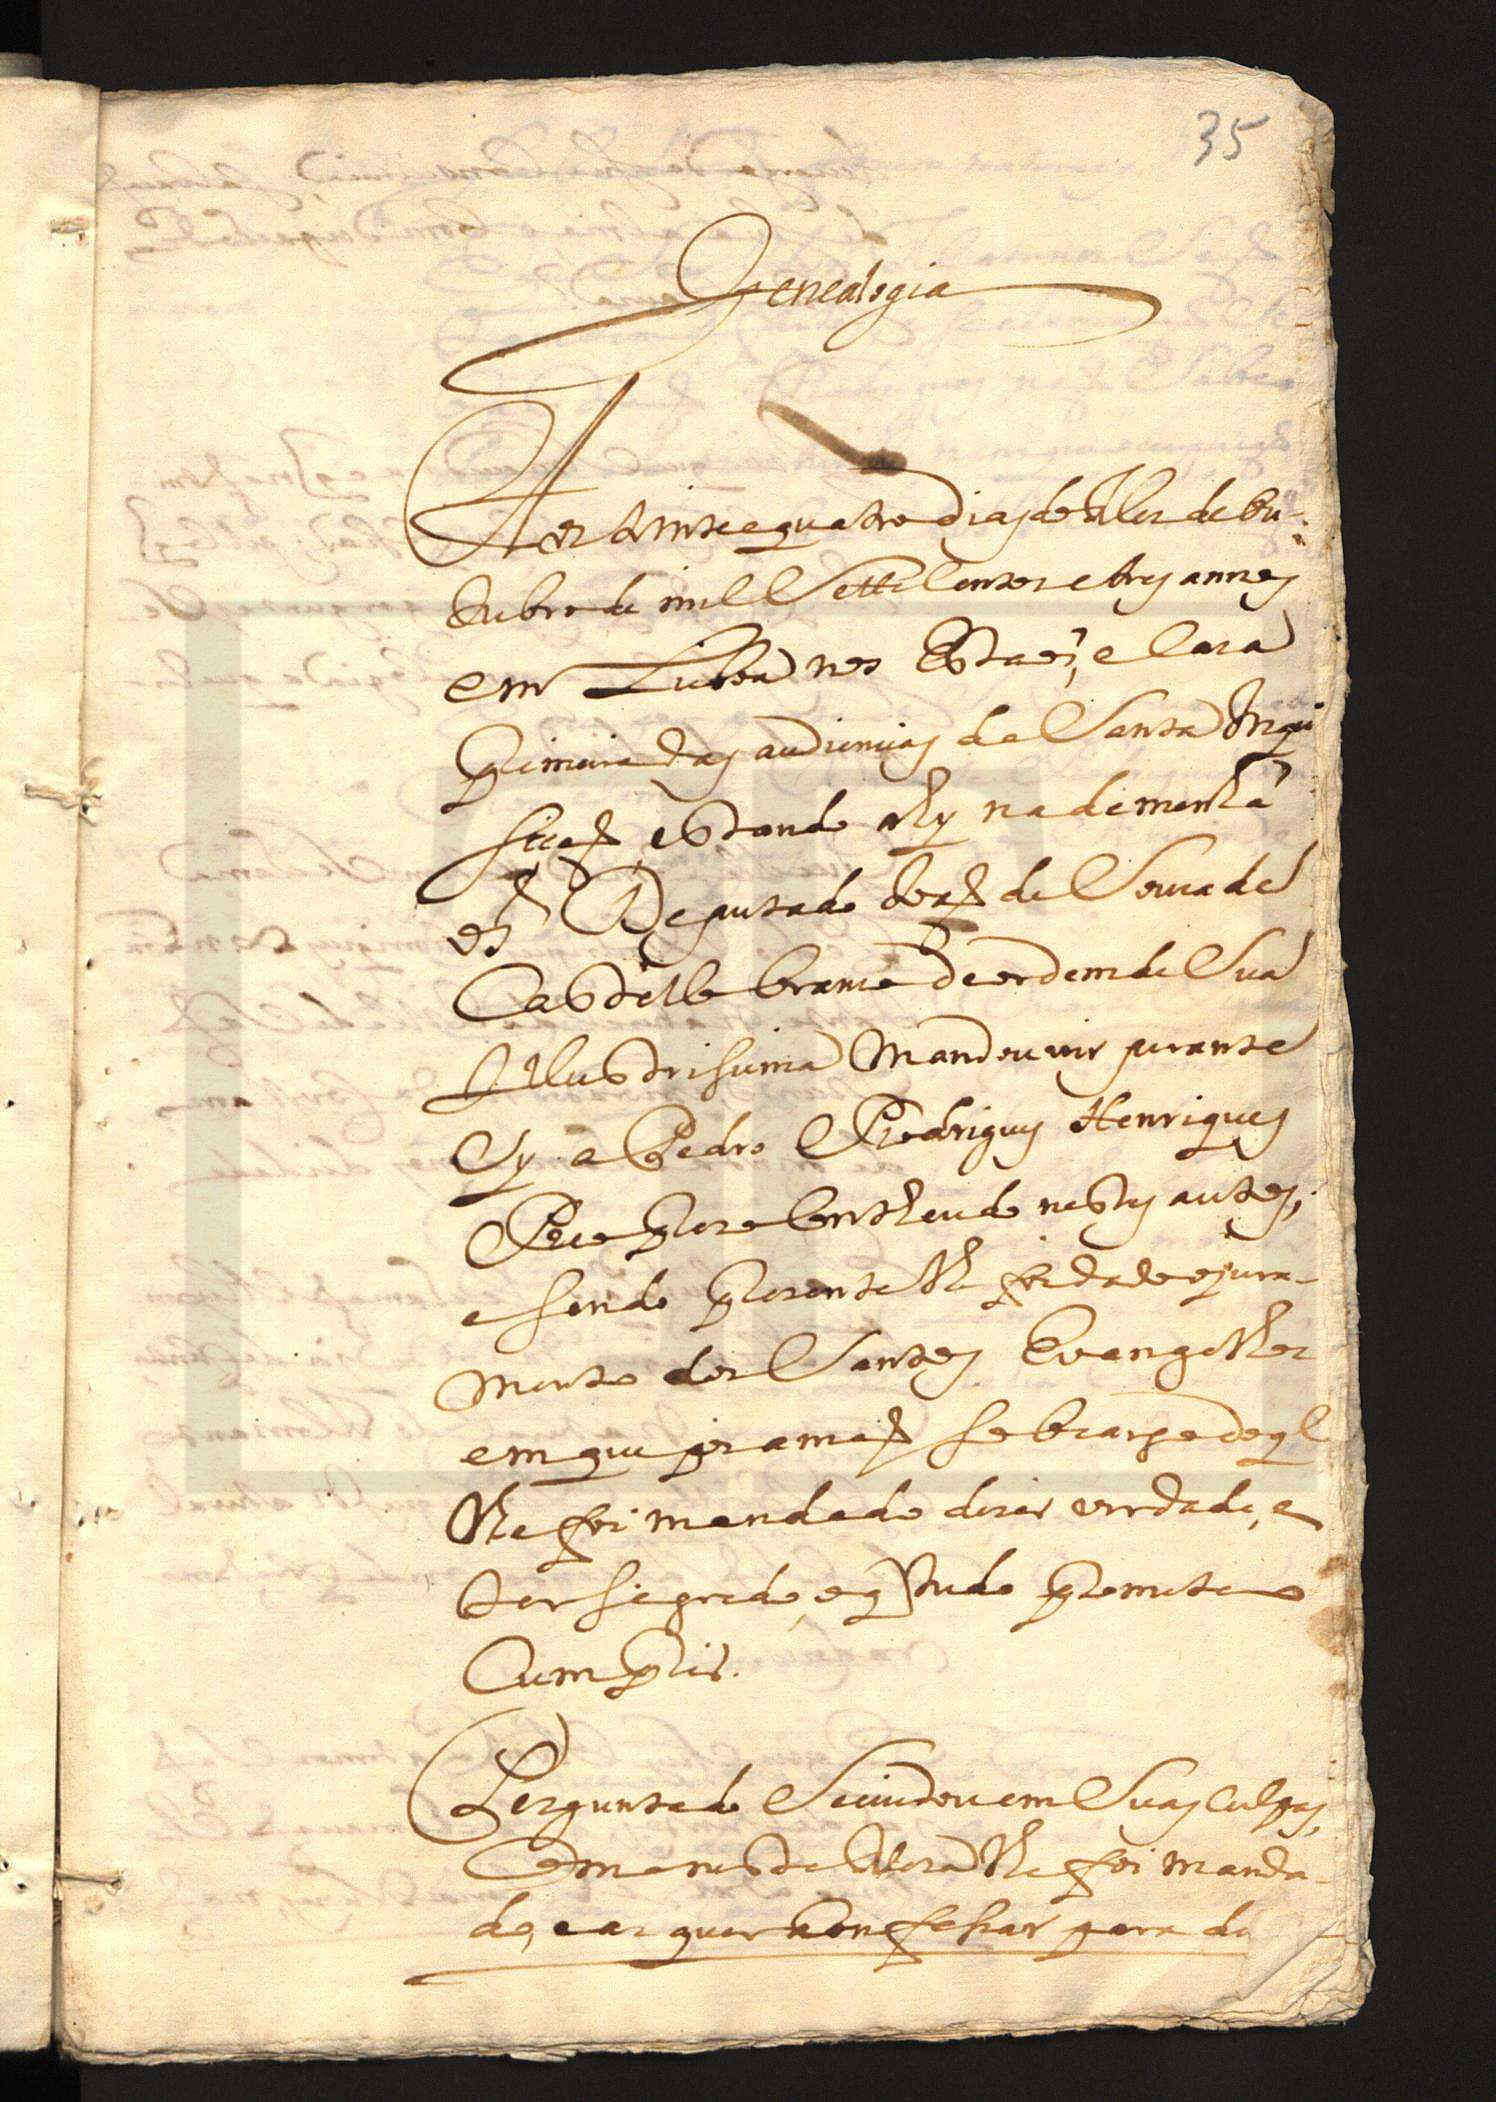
Genealogia
Aoz Vinte e quatro dias do Mez de Ou
tubro e mil SetteCentos e tres annos
em Lisboa nos Estaós, e Caza
primeira das audiencias da Santa Inqui
siçaõ, estando ahy na de manhã
o s̄or Deputado Ioaõ de Souza de
Castello branco da ordem de Sua
Jllustrissima Mandou uir perante
sy a Pedro Rodrigues Henriques
Reo prezo Contheudo nestes autos;
e sendo prezente lhe foi dado o jura
mento dos Santos Evangelhoz
em que poz a maõ sob cargo do ql
lhe foi mandado dizer verdade, e
ter segredo, o q̄ tudo prometeo
Cumprir.
Perguntado Se cuidou em Suas Culpas,
Como nesta Meza lhe foi manda
do, e as quer Confessar para de
